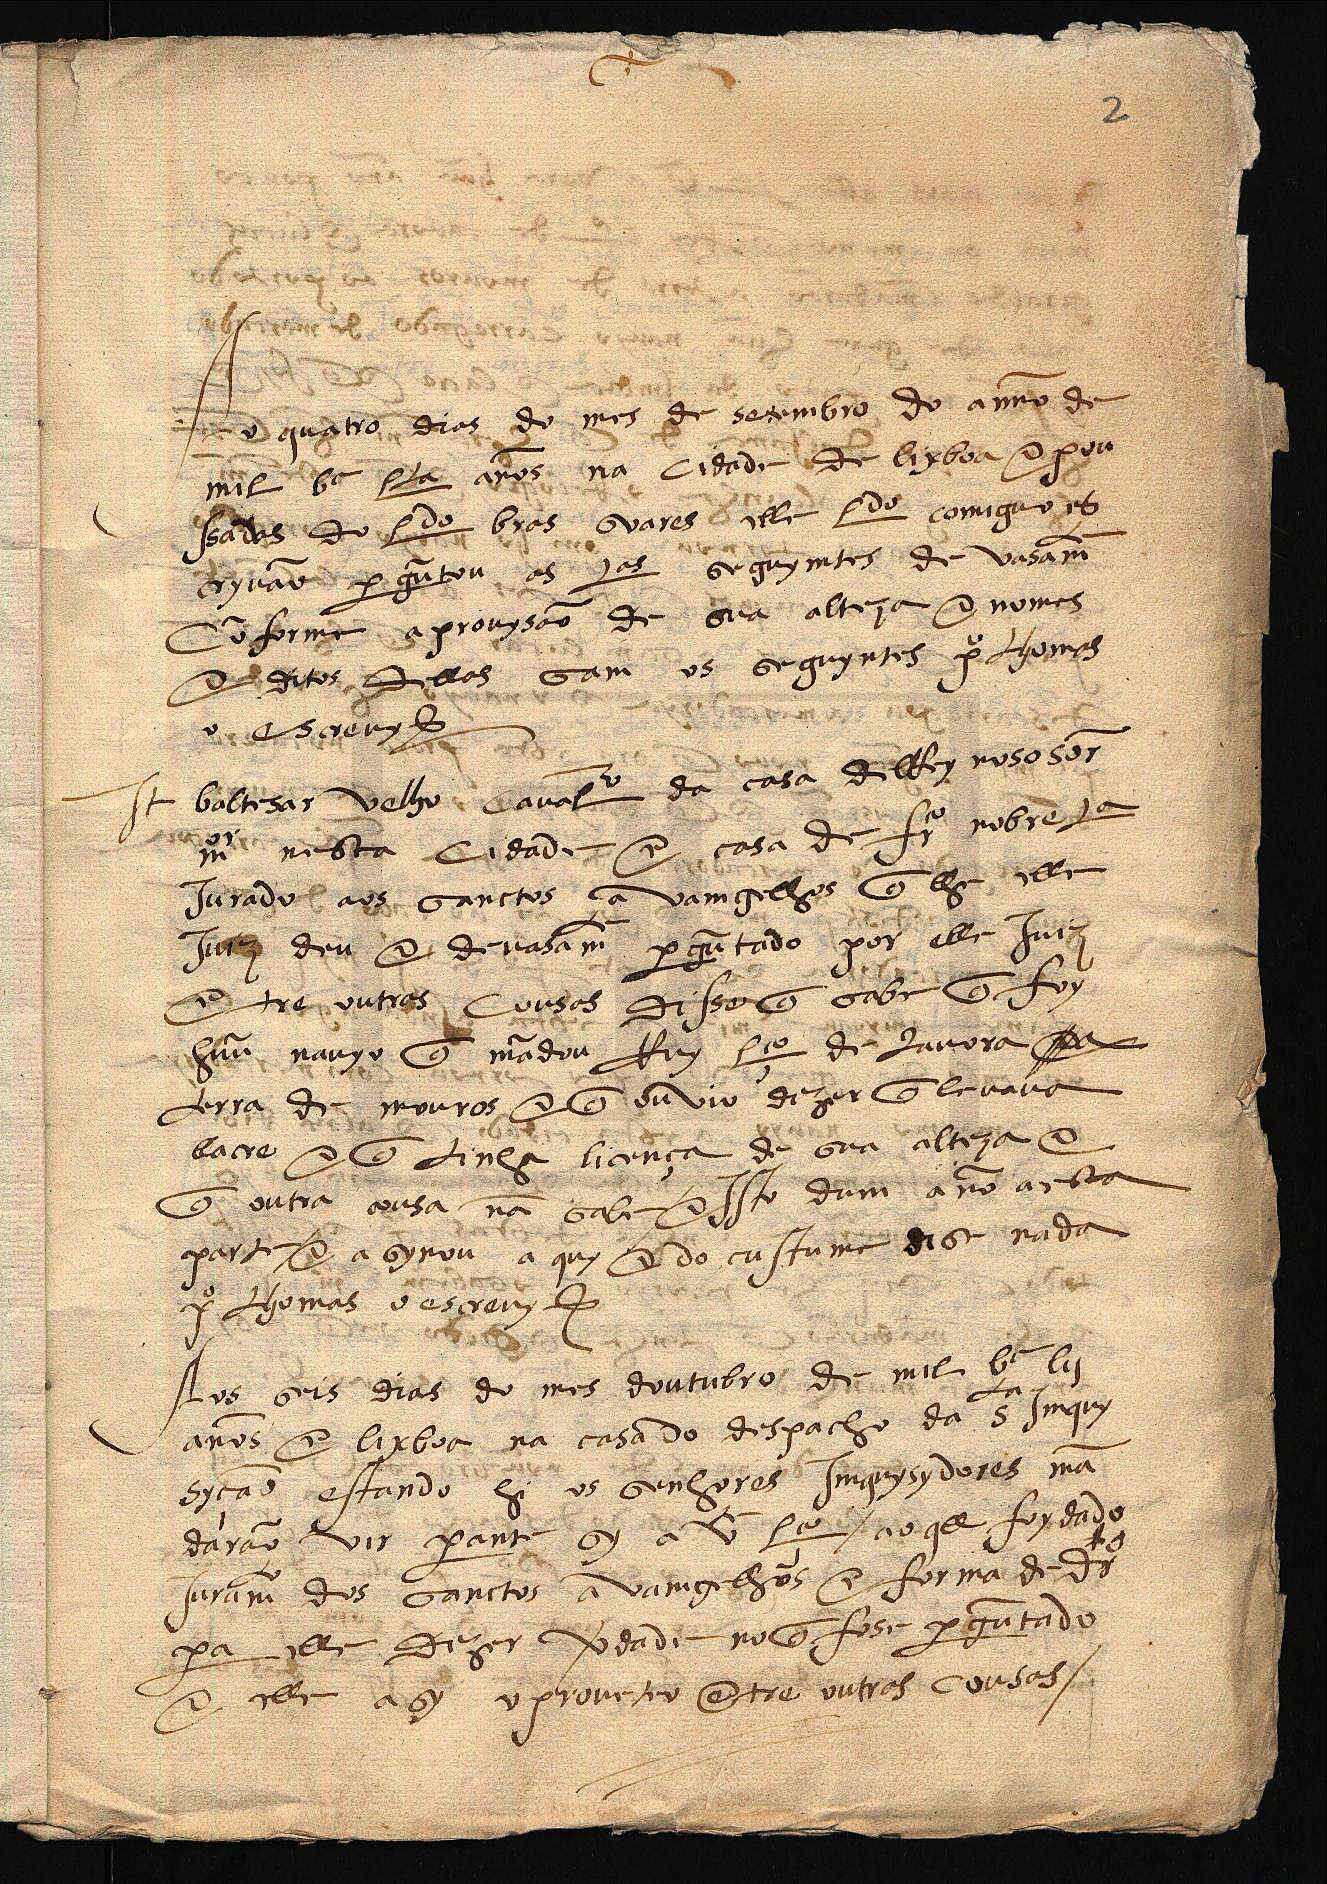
Aos quatro dias do mes de setembro do an̅no de
mil bc Lta an̄os na cidade de lixboa e pou
ssadas do Ldo bras soares elle Ldo comiguo es
cryuão ꝑ gūtou as tas seguymtes devasamte
Co̅forme a prouysão de sua alteza e nomes
e ditos dellas sam os seguyntes po thomas
o escreuy
baltesar velho caualro da casa del Rey noso sōr
mor nesta cidade e̅ casa de frco nobre ta
Jurado aos sanctos avamgelhos q̅ lhe elle
Juiz deu e deuasamte ꝑ g̅utado por elle Juiz
e̅tre outras cousas disse q̅ sabe q̅ foy
huu̅ nauyo q̅ mādou Ruy Lço de tauora _ da
terra de mouros e q̅ ouvio dezer q̅ leuaua
lacre e q̄ tinha licença de sua alteza e
q̅ outra cousa n̅a sabe e Jsto dum an̅o a esta
parte e asynou aquy e do custume dise nada
po thomas o escreuy
Aos seis dias do mes doutubro de mil bc lij
an̅os e̅ lixboa na casa do despacho da sta Jmquy
syção estando hi os senhores Jmquysidores m̅a
darão vir ꝑante sy a vte Lço / ao qll foy dado
Juramto dos sanctos avamgelhos e̅ forma de drto
ꝑa elle dezer ꝟdade no q̅ fose ꝑ g̅utado
e elle asy o prometeo e̅tre outras cousas /
